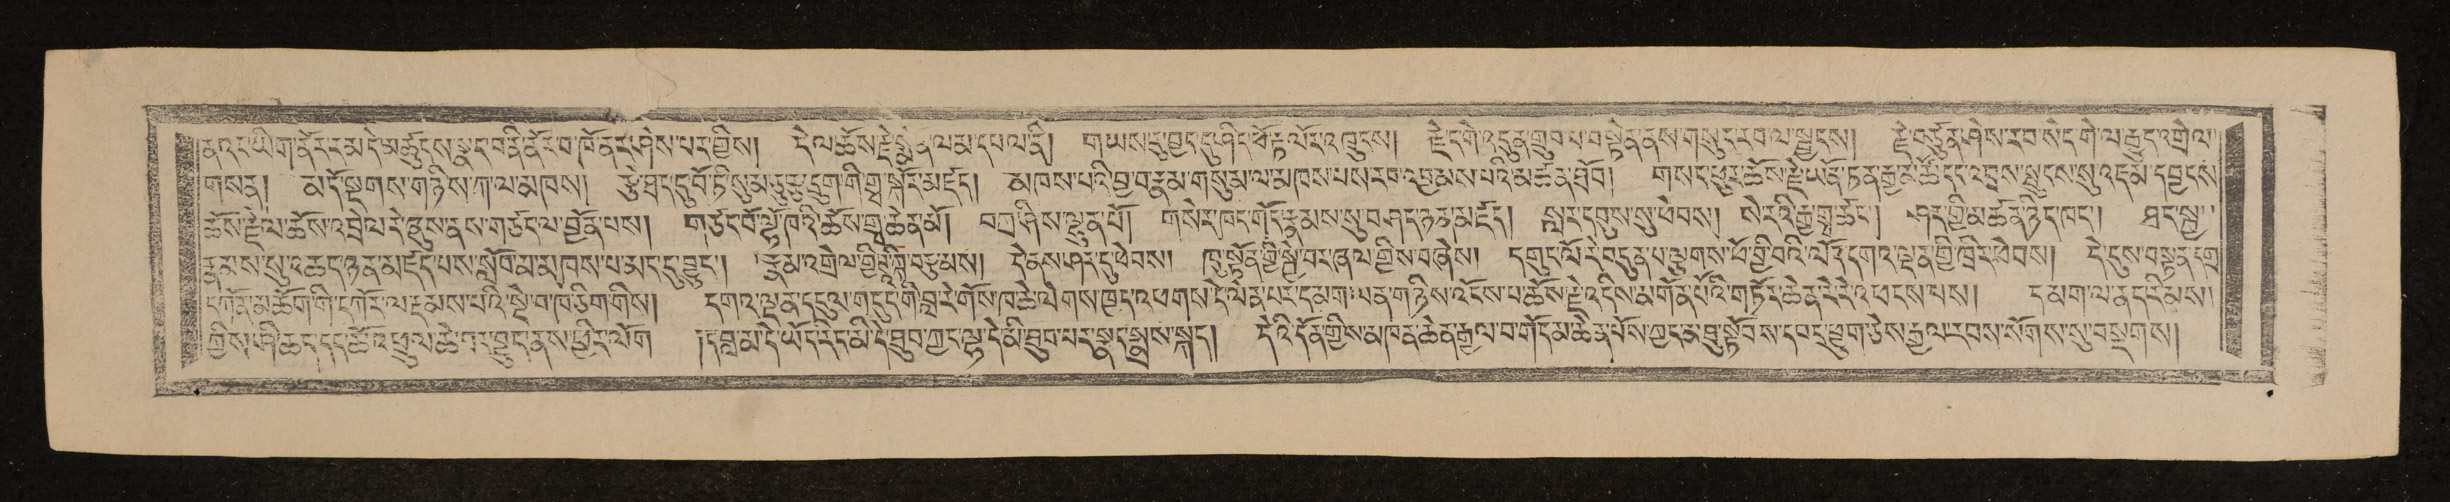ནའང་ཡིག་ནོར་རམ་དེ་མཚུངས་སྣང་བ་ནི་ནོར་བ་ཁོ་ནར་ཤེས་པར་གྱིས། དེ་ལ་ཆོས་རྗེ་སྨོན་ལམ་དཔལ་ནི། གཡས་རུ་བྱང་དུ་ཤིང་ཕོ་རྟ་ལོར་འཁྲུངས། རྗེ་དགེ་འདུན་གྲུབ་པ་བསྟེན་ནས་གསུང་རབ་ལ་སྦྱངས། རྗེ་བཙུན་ཤེས་རབ་སེང་གེ་ལ་རྒྱུད་འགྲེལ་
གསན། མདོ་སྔགས་གཉིས་ཀ་ལ་མཁས། རྩེ་ཐང་དུ་བོ་ཏི་སུམ་ཅུ་རྩ་དྲུག་གི་སྲྭ་སྐོར་མཛད། མཁས་པའི་བྱ་བ་རྣམ་གསུམ་ལ་མཁས་པས་རབ་འབྱམས་པའི་མཚན་ཐོབ། གསང་ཕུར་ཆོས་རྗེ་ཡོན་ཏན་རྒྱ་མཚོ་དང་འབྲས་སྤུངས་སུ་འཇམ་དབྱངས་
ཆོས་རྗེ་ལ་ཆོས་འབྲེལ་དེ་ཞུས་ནས་གཙང་ལ་བྱོན་པས། གཙང་པོ་ལྷོ་ཁའི་ཆོས་གྲྭ་ཆེན་མོ། བཀྲ་ཤིས་ལྷུན་པོ། གསེར་ཁང་གོང་རྣམས་སུ་བཤད་ཉན་མཛད། སླར་དབུས་སུ་ཕེབས། སེ་རའི་རྒྱ་གྲྭ་ཆང་། ཤར་གྱི་མཚན་ཉིད་ཁང་། ཐང་སྐྱ་
རྣམས་སུ་འཆད་ཉན་མཛད་པས་སློབ་མ་མཁས་པ་མང་དུ་བྱུང་། རྣམ་འགྲེལ་གྱི་ཊཱིཀྐ་བརྩམས། དེ་ནས་ཤར་དུ་ཕེབས། ཁུ་སྟོན་གྱི་སྐྱེ་བར་ཞལ་གྱིས་བཞེས། དགུང་ལོ་རེ་བདུན་པ་ལྕགས་ཕོ་བྱི་བའི་ལོར་དགའ་ལྡན་གྱི་ཁྲིར་ཕེབས། དེ་དུས་བསྟན་དགྲ་
དཀོན་མཆོག་གི་དཀོར་ལ་རྔམས་པའི་སྡེ་པ་ཁ་ཅིག་གིས། དགའ་ལྡན་དངུལ་གདུང་གི་བླ་རེ་གོས་ཁ་ཆེ་ལེགས་ཁྱད་འཕགས་དེ་ལེན་པར་དམག་ལན་གཉིས་འོངས་པ་ཆོས་རྗེ་འདིས་མགོན་པོའི་གཏོར་ཆེན་རེ་རེ་འཕངས་པས། དམག་ལ་ནད་རིམས་
ཀྱིས་ཤི་ཆད་དང་ཆོ་འཕྲུལ་ཆེ་བར་བྱུང་ནས་ཕྱིར་ལོག །ད་བླ་མ་དེ་ཡོད་རིང་མི་དེ་ཐུབ་ཀྱང་ལྷ་དེ་མི་ཐུབ་པར་སྣང་སྨྲས་སྐད། དེའི་དོན་གྱིས་མཁན་ཆེན་རྒྱལ་བ་གོང་མཆེན་པོས་ཀྱང་མཐུ་སྟོབས་དབང་ཕྱུག་ཅེས་རྒྱལ་རབས་སོགས་སུ་བསྔགས།